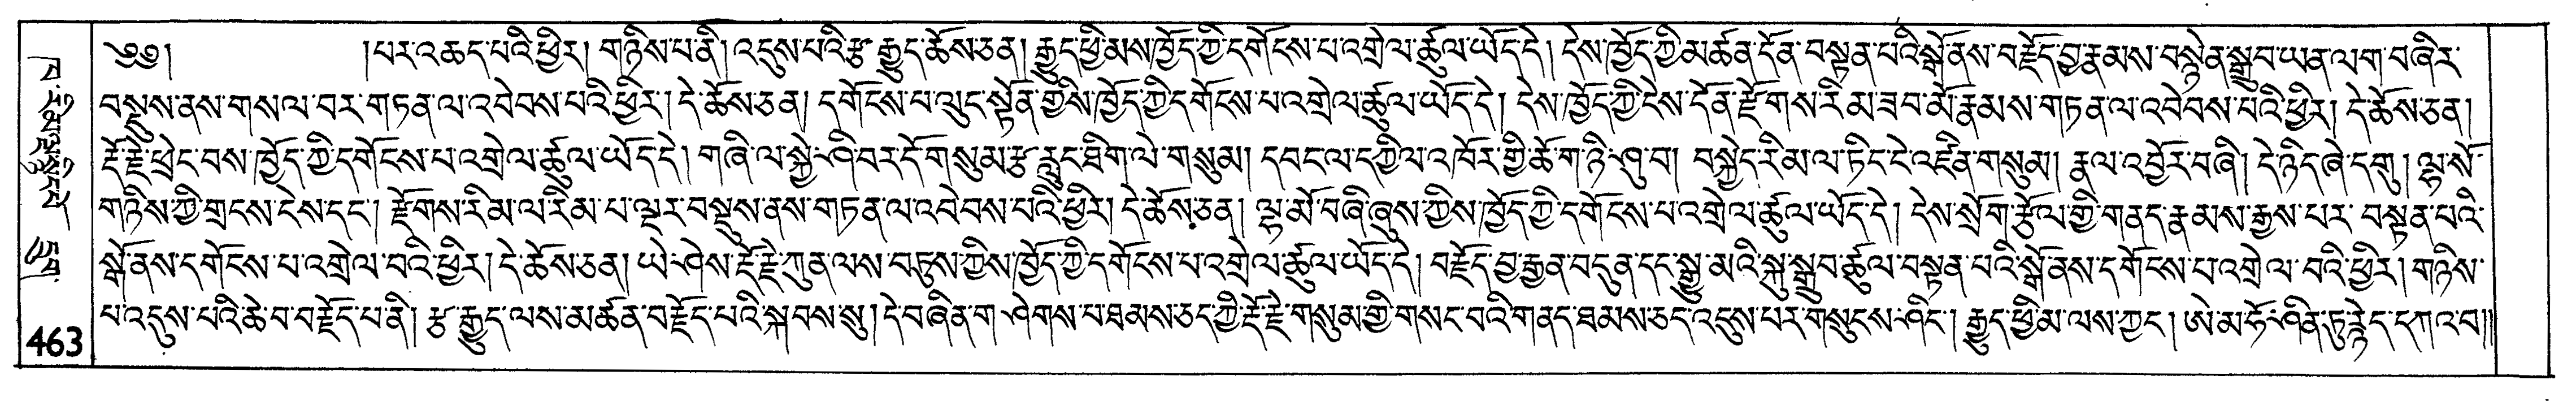༄༅། །པར་འཆད་པའི་ཕྱིར། གཉིས་པ་ནི། འདུས་པའི་རྩ་རྒྱུད་ཆོས་ཅན། རྒྱུད་ཕྱི་མས་ཁྱོད་ཀྱི་དགོངས་པ་འགྲེལ་ཚུལ་ཡོད་དེ། དེས་ཁྱོད་ཀྱི་མཚན་དོན་བསྟན་པའི་སྒོ་ནས་བརྗོད་བྱ་རྣམས་བསྙེན་སྒྲུབ་ཡན་ལག་བཞིར་
བསྡུས་ནས་གསལ་བར་གཏན་ལ་འབེབས་པའི་ཕྱིར། དེ་ཆོས་ཅན། དགོངས་པ་ལུང་སྟོན་གྱིས་ཁྱོད་ཀྱི་དགོངས་པ་འགྲེལ་ཚུལ་ཡོད་དེ། དེས་ཁྱོད་ཀྱི་ངེས་དོན་རྫོགས་རིམ་ཟབ་མོ་རྣམས་གཏན་ལ་འབེབས་པའི་ཕྱིར། དེ་ཆོས་ཅན།
རྡོ་རྗེ་ཕྲེང་བས་ཁྱོད་ཀྱི་དགོངས་པ་འགྲེལ་ཚུལ་ཡོད་དེ། གཞི་ལ་སྐྱེ་ཤི་བར་དོ་གསུམ་རྩ་རླུང་ཐིག་ལེ་གསུམ། དབང་ལ་དཀྱིལ་འཁོར་གྱི་ཆོ་ག་ཉི་ཤུ་བ། བསྐྱེད་རིམ་ལ་ཏིང་ངེ་འཛིན་གསུམ། རྣལ་འབྱོར་བཞི། དེ་ཉིད་ཞེ་དགུ། ལྷ་སོ་
གཉིས་ཀྱི་གྲངས་ངེས་དང་། རྫོགས་རིམ་ལ་རིམ་པ་ལྔར་བསྡུས་ནས་གཏན་ལ་འབེབས་པའི་ཕྱིར། དེ་ཆོས་ཅན། ལྷ་མོ་བཞི་ཞུས་ཀྱིས་ཁྱོད་ཀྱི་དགོངས་པ་འགྲེལ་ཚུལ་ཡོད་དེ། དེས་སྲོག་རྩོལ་གྱི་གནད་རྣམས་རྒྱས་པར་བསྟན་པའི་
སྒོ་ནས་དགོངས་པ་འགྲེལ་བའི་ཕྱིར། དེ་ཆོས་ཅན། ཡེ་ཤེས་རྡོ་རྗེ་ཀུན་ལས་བཏུས་ཀྱིས་ཁྱོད་ཀྱི་དགོངས་པ་འགྲེལ་ཚུལ་ཡོད་དེ། བརྗོད་བྱ་རྒྱན་བདུན་དང་སྒྱུ་མའི་སྐུ་སྒྲུབ་ཚུལ་བསྟན་པའི་སྒོ་ནས་དགོངས་པ་འགྲེལ་བའི་ཕྱིར། གཉིས་
པ་འདུས་པའི་ཆེ་བ་བརྗོད་པ་ནི། རྩ་རྒྱུད་ལས་མཚན་བརྗོད་པའི་སྐབས་སུ། དེ་བཞིན་གཤེགས་པ་ཐམས་ཅད་ཀྱི་རྡོ་རྗེ་གསུམ་གྱི་གསང་བའི་གནད་ཐམས་ཅད་འདུས་པར་གསུངས་ཤིང་། རྒྱུད་ཕྱི་མ་ལས་ཀྱང་། ཨེ་མ་ཧོ་ཤིན་ཏུ་རྙེད་དཀའ་བ། །